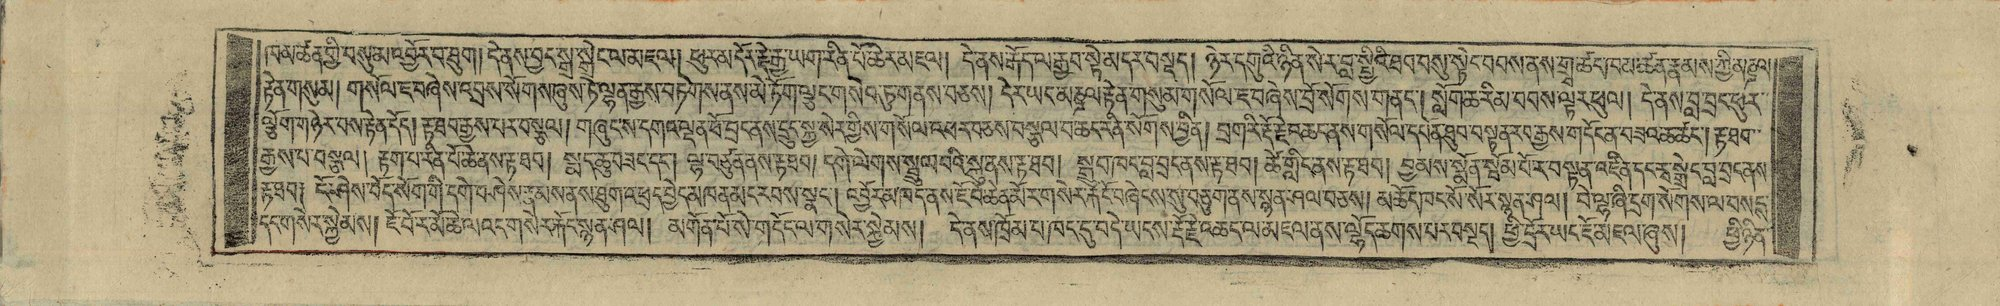ཁམ་ཚན་གྱི་གསུམ་འབྱོར་བ་ཐུག །དེ་ནས་བྱང་སྒྲ་སྒྲེང་ལ་མཇལ། ཕུར་མདོར་རྗེ་རྒྱ་ཡག་རིན་པོ་ཆེར་མཇལ། དེ་ནས་རྒོད་ལ་རྒྱབ་སྟེ་མདར་བསྡད། ཉེར་དགུའི་ཉིན་སེ་ར་བླ་སྤྱིའི་ཐབ་བསུ་སྟེང་བབས་ནས་གྲྭ་ཚང་ཁམ་ཚན་རྣམས་ཀྱི་མཎྜལ་
རྟེན་གསུམ། གསོལ་ཇ་བཞེས་འབྲས་སོགས་ཞུས་ཏེ་ལྷན་རྒྱས་བཏེགས་ནས་མེ་ཏོག་ལྕང་གསེབ་ཏུ་གནས་བཅས། དེར་ཡང་མཎྜལ་རྟེན་གསུམ་གསོལ་ཇ་བཞེས་བྲོ་སོགས་གནང་། སློག་ཆ་རིམ་བབས་ལྟར་ཕུལ། དེ་ནས་བླ་བྲང་ཕུར་
ལྕོག་གཉེར་བས་རྟེན་དོད། རྟ་ཐབ་རྒྱས་པར་བསྩལ། གཞུང་ས་དགའ་ལྡན་ཕོ་བྲང་ནས་དྲུང་སྐྱ་སེར་གྱིས་གསོལ་འཕར་བཅས་བསྩལ་བ་ཆང་རིན་སོགས་བྱིན། བྲག་རི་རྡོ་རྗེ་འཆང་ནས་གསོལ་དཔོན་ཐུབ་བསྟན་རབ་རྒྱས་གདོང་ན་བཟའ་ཆ་ཚང་། རྟ་ཐབ་
རྒྱས་པ་བསྩལ། རྟག་པ་རིན་པོ་ཆེ་ནས་རྟ་ཐབ། སྨད་ཆུ་བཟང་དང་། ལྷ་བཙུན་ནས་རྟ་ཐབ། དགེ་ལེགས་སྤྲུལ་བའི་སྐུ་ནས་རྟ་ཐབ། སྒྲུབ་ཁང་བླ་བྲང་ནས་རྟ་ཐབ། ཚེ་གླིང་ནས་རྟ་ཐབ། བྱམས་སྨོན་སྦོམ་པོ་ར་བསྟན་འཛིན་དང་རྭ་སྒྲེང་བླ་བྲང་ནས་
རྟ་ཐབ། ངོ་ཤེས་བོད་སོག་གི་དགེ་བཤེས་རྣམས་ནས་ཐུག་འཕྲད་བྱེད་མཁན་མང་རབས་སྣང་། འབྱོར་མཁད་ནས་ཇོ་བོ་ཆེན་མོར་གསེར་རྐོང་བཞེངས་སུ་བཅུག་ནས་སྙན་ཤལ་བཅས། མཆོད་ཁང་སོ་སོར་སྙན་ཤལ། བེ་ལྷ་ཞི་དྲག་སོགས་ལ་བསངས་
དང་གསེར་སྐྱེམས། ཇོ་བོ་ར་མོ་ཆེ་ལའང་གསེར་རྐོང་སྙན་ཤལ། མགོན་པོ་སེ་གདོང་ལ་གསེར་སྐྱེམས། དེ་ནས་ཁྲོམ་པ་ཁང་དུ་བདེ་ཡངས་རྡོ་རྗེ་འཆང་ལ་མཇལ་ནས་ལྷོད་ཆགས་པར་བསྡད། ཕྱི་དྲོར་ཡང་ཇོ་མཇལ་ཞུས། ཕྱི་ཉིན་